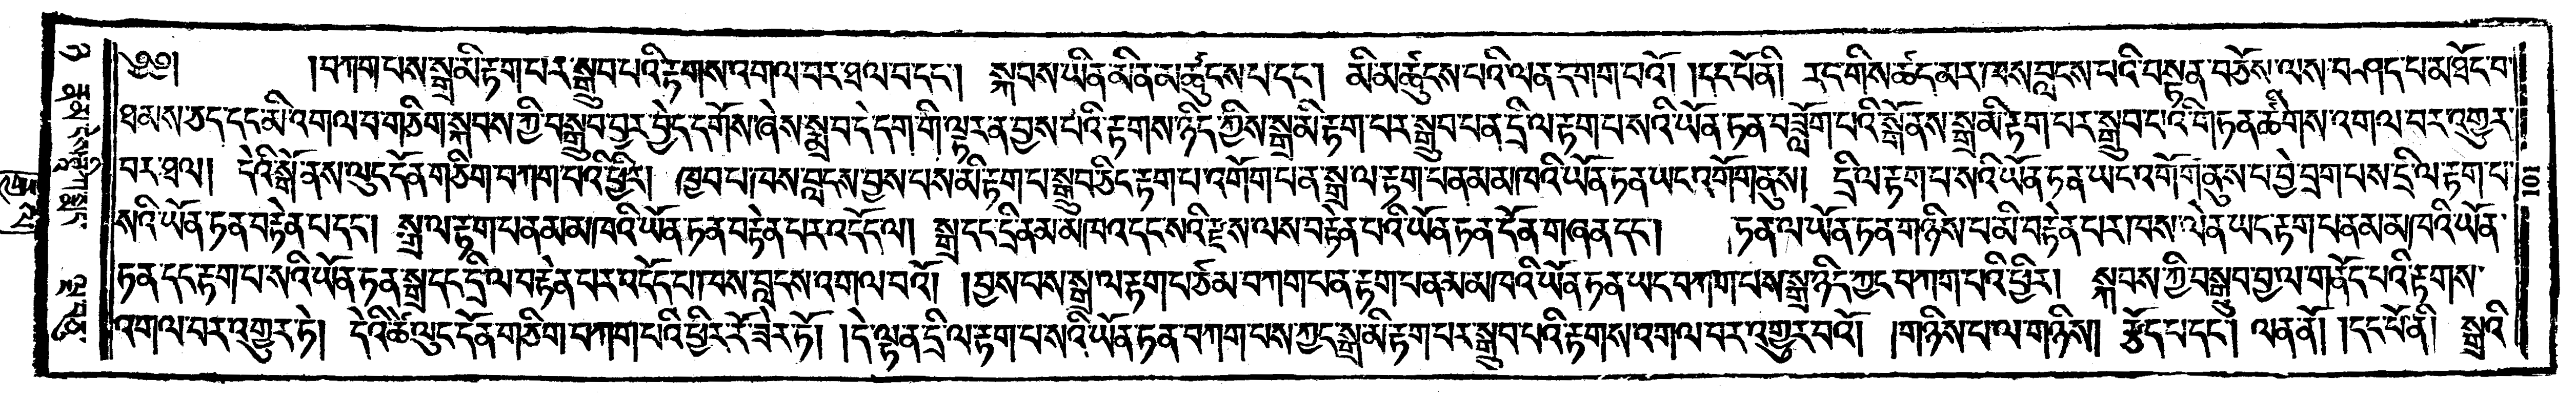༄༅། །བཀག་པས་སྒྲ་མི་རྟག་པར་སྒྲུབ་པའི་རྟགས་འགལ་བར་ཐལ་བ་དང་། སྐབས་ཡིན་མིན་མཚུངས་པ་དང་། མི་མཚུངས་པའི་ལན་དགག་པའོ། །དང་པོ་ནི། རང་གིས་ཚད་མར་ཁས་བླངས་པའི་བསྟན་བཅོས་ལས་བཤད་པ་མཐོང་བ་
ཐམས་ཅད་དང་མི་འགལ་བ་གཅིག་སྐབས་ཀྱི་བསྒྲུབ་བྱར་བྱེད་དགོས་ཞེས་སྨྲ་བ་དེ་དག་གི་ལྟར་ན་བྱས་པའི་རྟགས་ཉིད་ཀྱིས་སྒྲ་མི་རྟག་པར་སྒྲུབ་པ་ན་དྲི་ལ་རྟག་པ་སའི་ཡོན་ཏན་བཟློག་པའི་སྒོ་ནས་སྒྲ་མི་རྟག་པར་སྒྲུབ་པའི་གཏན་ཚིགས་འགལ་བར་འགྱུར་
བར་ཐལ། དེའི་སྒོ་ནས་ལུང་དོན་གཅིག་བཀག་པའི་ཕྱིར། ཁྱབ་པ་ཁས་བླངས་བྱས་པས་མི་རྟག་པ་སྒྲུབ་ཅིང་རྟག་པ་འགོག་པ་ན་སྒྲ་ལ་རྟག་པ་ནམ་མཁའི་ཡོན་ཏན་ཡང་འགོག་ནུས། དྲི་ལ་རྟག་པ་སའི་ཡོན་ཏན་ཡང་འགོག་ནུས་པ་བྱེ་བྲག་པས་དྲི་ལ་རྟག་པ་
སའི་ཡོན་ཏན་བརྟེན་པ་དང་། སྒྲ་ལ་རྟག་པ་ནམ་མཁའི་ཡོན་ཏན་བརྟེན་པར་འདོད་ལ། སྒྲ་དང་དྲི་ནམ་མཁའ་དང་སའི་རྫས་ལས་བརྟེན་པའི་ཡོན་ཏན་དོན་གཞན་དང་། །ཏན་ལ་ཡོན་ཏན་གཉིས་པ་མི་བརྟེན་པར་ཁས་ལེན་ཡང་རྟག་པ་ནམ་མཁའི་ཡོན་
ཏན་དང་རྟག་པ་སའི་ཡོན་ཏན་སྒྲ་དང་དྲི་ལ་བརྟེན་པར་འདོད་པ་ཁས་བླངས་འགལ་བའོ། །བྱས་པས་སྒྲ་ལ་རྟག་པ་ཙམ་བཀག་པ་ན་རྟག་པ་ནམ་མཁའ་ཡོན་ཏན་ཡང་བཀག་པས་སྒྲ་ཉིད་ཀྱང་བཀག་པའི་ཕྱིར། སྐབས་ཀྱི་བསྒྲུབ་བྱ་ལ་གནོད་པའི་རྟགས་
འགལ་བར་འགྱུར་ཏེ། དེའི་ཚེ་ལུང་དོན་གཅིག་བཀག་པའི་ཕྱིར་རོ་ཟེར་ཏོ། །དེ་ལྷ་ན་དྲི་ལ་རྟག་པ་སའི་ཡོན་ཏན་བཀག་པས་ཀྱང་སྒྲ་མི་རྟག་པར་སྒྲུབ་པའི་རྟགས་འགལ་བར་འགྱུར་བའོ། །གཉིས་པ་ལ་གཉིས། རྩོད་པ་དང་། ལན་ནོ། །དང་པོ་ནི། སྒྲའི་